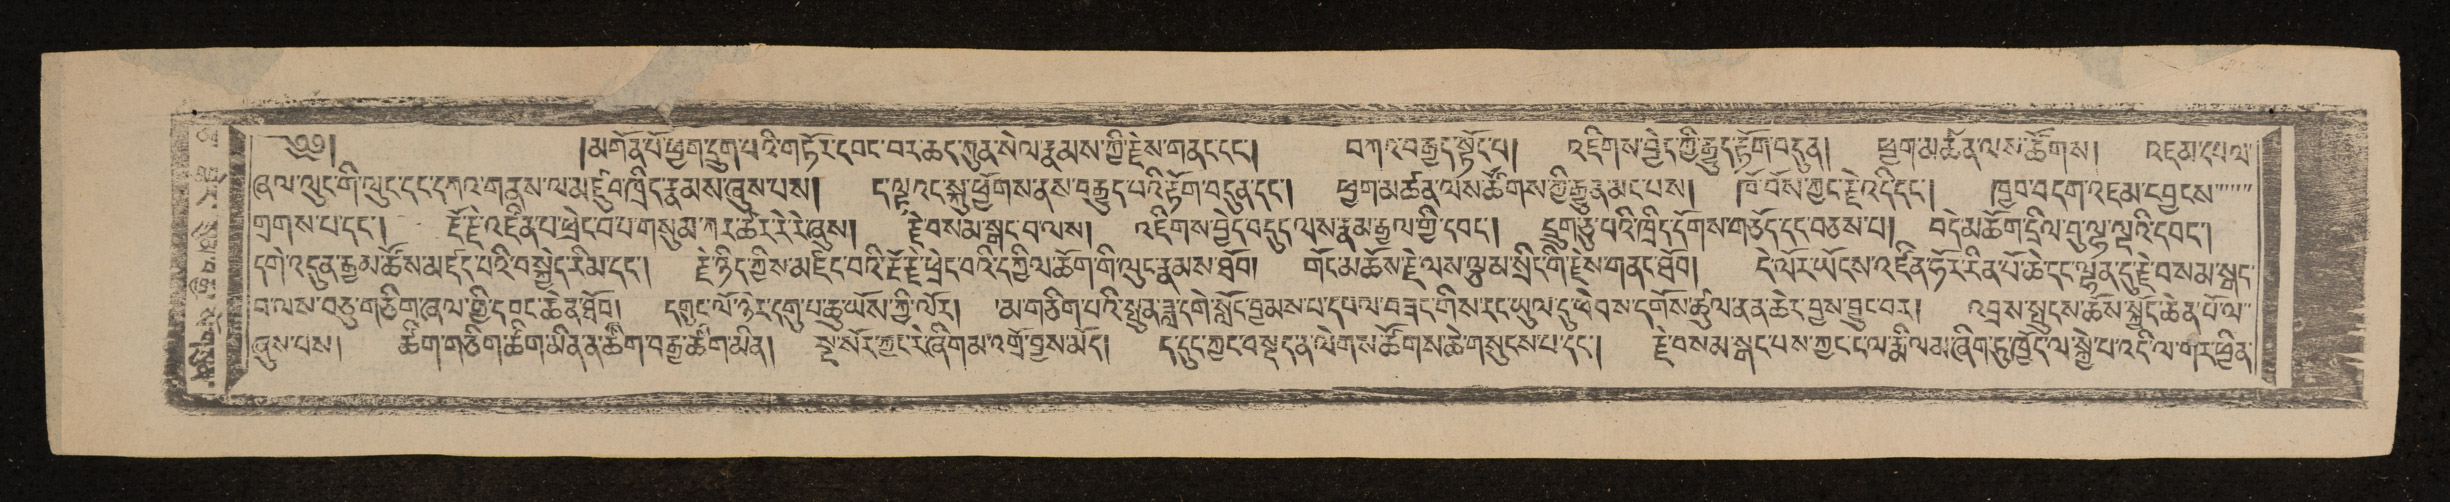༄༅། །མགོན་པོ་ཕྱག་དྲུག་པའི་གཏོར་དབང་བར་ཆད་ཀུན་སེལ་རྣམས་ཀྱི་རྗེས་གནང་དང་། བཀའ་བརྒྱད་སྟོང་པ། འཇིགས་བྱེད་ཀྱི་རྒྱུད་རྟོག་བདུན། ཕྱག་མཚན་ལས་ཚོགས། འཇམ་དཔལ་
ཞལ་ལུང་གི་ལུང་དང་དཀའ་གནས་ལ་མཛུབ་ཁྲིད་རྣམས་ཞུས་པས། ད་ལྟའང་སྐུ་ཕྱོགས་ནས་བརྒྱུད་པའི་རྟོག་བདུན་དང་། ཕྱག་མཚན་ལས་ཚོགས་ཀྱི་རྒྱུན་མང་པས། ཁོ་བོས་ཀྱང་རྗེ་འདི་དང་། ཁྱབ་བདག་འཇམ་དབྱངས་
གྲགས་པ་དང་། རྡོ་རྗེ་འཛིན་པ་ཕྲེང་བ་པ་གསུམ་ཀར་ཚར་རེ་རེ་ཞུས། རྗེ་བསམ་སྒང་པ་ལས། འཇིགས་བྱེད་བདུད་ལས་རྣམ་རྒྱལ་གྱི་དབང་། དྲུག་ཅུ་པའི་ཁྲིད་དོགས་གཅོད་དང་བཅས་པ། བདེ་མཆོག་དྲིལ་བུ་ལྷ་ལྔའི་དབང་།
དགེ་འདུན་རྒྱ་མཚོས་མཛད་པའི་བསྐྱེད་རིམ་དང་། རྗེ་ཉིད་ཀྱིས་མཛད་པའི་རྡོ་རྗེ་ཕྲེང་བའི་དཀྱིལ་ཆོག་གི་ལུང་རྣམས་ཐོབ། གོང་མ་ཆོས་རྗེ་ལས་ལྕམ་སྲིང་གི་རྗེས་གནང་ཐོབ། དེ་ལོར་ཡོངས་འཛིན་ཧོར་རིན་པོ་ཆེ་དང་ལྷན་དུ་རྗེ་བསམ་སྒང་
པ་ལས་བཅུ་གཅིག་ཞལ་གྱི་དབང་ཆེན་ཐོབ། དགུང་ལོ་ཉེར་དགུ་པ་ཆུ་ཡོས་ཀྱི་ལོར། མ་གཅིག་པའི་སྤུན་ཟླ་དགེ་སློང་བྱམས་པ་དཔལ་བཟང་གིས་རང་ཡུལ་དུ་ཕེབས་དགོས་ཚུལ་ནན་ཆེར་བྱས་བྱུང་བར། འབྲས་སྤུངས་ཆོས་སྐྱོང་ཆེན་པོ་ལ་
ཞུས་པས། ཚིག་གཅིག་ཚིག་མིན་ན་ཚིག་བརྒྱ་ཚིག་མིན། སྔ་སོར་ཀྱང་རེ་ཞིག་མ་འགྲོ་བྱས་མོད། ད་དུང་ཀྱང་བསྡད་ན་ལེགས་ཚོགས་ཆེ་གསུངས་པ་དང་། རྗེ་བསམ་སྒང་པས་ཀྱང་ང་ལ་རྨི་ལམ་ཞིག་ཏུ་ཁྱོད་ལ་སྐྱེ་པ་འདི་ལ་གར་ཕྱིན་